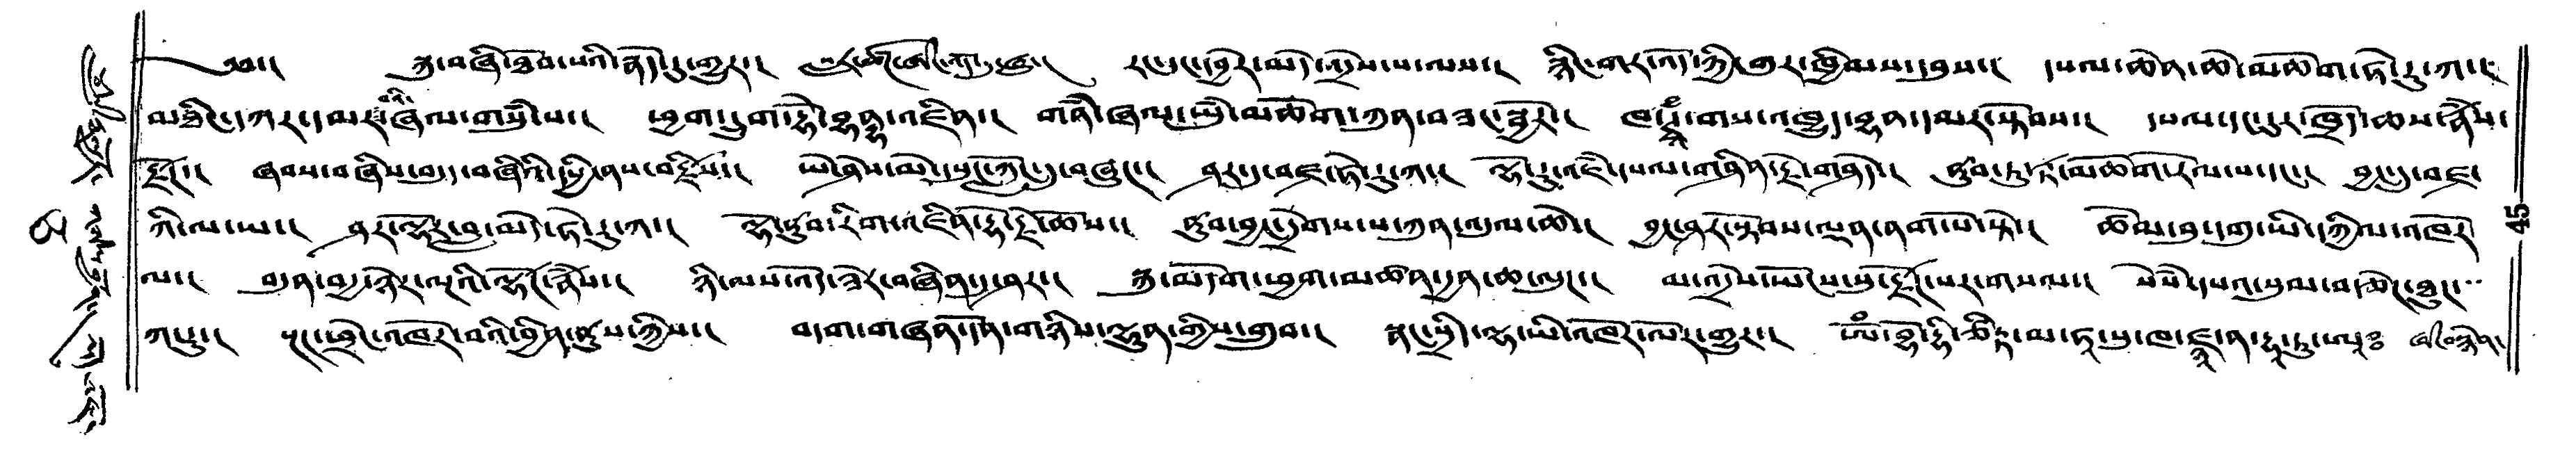།སྐུ་བཞི་ཐོབ་པའི་སྣོད་དུ་གྱུར། སླར་ཚོགས་ཞིང་འོད་དུ་ཞུ། རང་དང་དབྱེར་མེད་འདྲེས་པ་ལས། །སྙིང་གར་འོད་ཀྱི་གུར་ཁྱིམ་དབུས། །དཔལ་ཆེན་ཆེ་མཆོག་ཧེ་རུ་ཀ །
མཐིང་དཀར་དམར་བའི་ཞལ་གསུམ་པ། །ཕྱག་དྲུག་རྡོ་རྗེ་བྷནྡྷ་འཛིན། །གནམ་ཞལ་ཡུམ་མཆོག་ཀུན་བཟང་སྦྱོར། ཁ་ཊྭྃ་གས་འཁྱུད་བྷན་དམར་སྟོབས། །དཔལ་དང་དུར་ཁྲོད་ཆས་རྣམས་
རྫོགས། །ཞབས་བཞིས་བདུད་བཞིའི་དཔྱི་ནས་བརྫིས། །ཡེ་ཤེས་མེ་དཔུང་ཀློང་དུ་བཞུགས། །ཤར་དུ་བཛྲ་ཧེ་རུ་ཀ །ལྷོ་རུ་འཇམ་དཔལ་གཤིན་རྗེ་གཤེད། །ནུབ་ཏུ་རྟ་མཆོག་རོལ་པ་དང་། །བྱང་དུ་བཛྲ་
ཀི་ལ་ཡ། །ཤར་ལྷོར་བླ་མེད་ཧེ་རུ་ཀ །ལྷོ་ནུབ་རིག་འཛིན་རྡོ་རྗེ་ཆོས། །ནུབ་བྱང་དྲེགས་པ་ཀུན་འདུལ་ཆེ། །བྱང་ཤར་སྟོབས་ལྡན་ནག་པོ་སྟེ། །ཚོམ་བུ་དགུ་ཡི་དཀྱིལ་འཁོར་
ལ། །བདུན་བརྒྱ་ཉེར་ལྔའི་ལྷ་ཚོགས་རྣམས། །ཉི་མའི་འོར་ཟེར་བཞིན་དུ་ཤར། །སྐུ་མདོག་ཕྱག་མཚན་རྒྱན་ཆ་ལུགས། །མ་འདྲེས་ཡོངས་སུ་རྫོགས་པར་གསལ། །སེམས་དཔའ་སུམ་བརྩེགས་ཐུགས་
ཀ་རུ། །སྔགས་ཕྲེང་འཁོར་བའི་བྱིན་ནུས་ཀྱིས། །བདག་གཞན་དོན་གཉིས་ལྷུན་གྱིས་གྲུབ། །སྣང་སྲིད་ལྷ་ཡི་འཁོར་ལོར་གྱུར། ཨོཾ་བྷོ་དྷི་ཙིཏྟ་མ་ཧཱ་སུ་ཁ་ཛྙཱ་ན་དྷ་ཏུ་ཨཱཿ ཞི་བསྙེན་